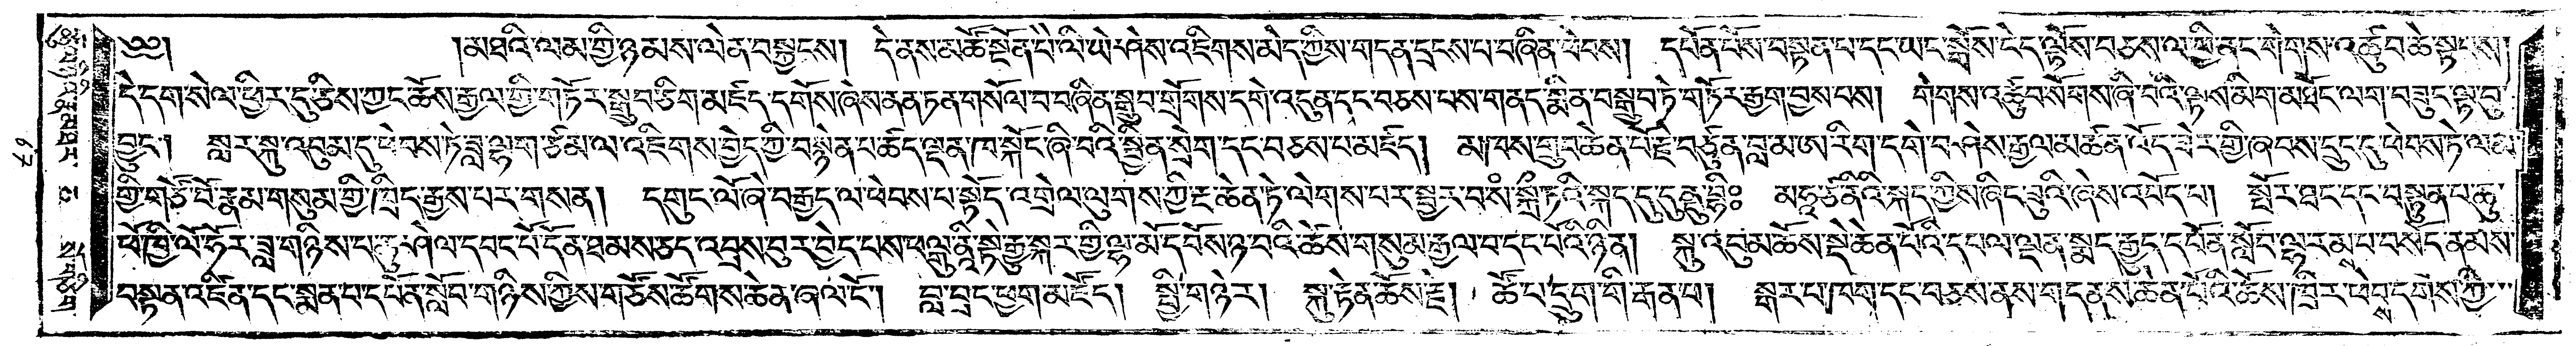༄༅། །མཐའི་ལམ་གྱི་ཉམས་ལེན་བསྐྱངས། དེ་ནས་མཚོ་སྔོན་པཻ་ལི་ཡེ་ཤེས་འཇིགས་མེད་ཀྱིས་གདན་དྲངས་པ་བཞིན་ཕེབས། དཔོན་པོས་བསྟན་པ་དང་ཡང་སོགས་ངེད་ལྟོས་བཅས་ལ་ཕྱི་ནང་གེགས་འཚུབ་ཆེ་སྟབས། །
དེ་དག་སེལ་ཕྱིར་དུ་ཅིས་ཀྱང་ཆོས་རྒྱལ་གྱི་གཏོར་སྒྲུབ་ཅིག་མཛད་དགོས་ཞེས་ནན་ཏན་གསོལ་བ་བཞིན་སྒྲུབ་གྲོགས་དགེ་འདུན་དང་བཅས་པས་གནད་སྨིན་བསྒྲུབ་ཏེ་གཏོར་རྒྱག་བྱས་པས། གེགས་འཚུབ་སོགས་ཞི་བའི་ལྟས་མིག་མཐོང་ལག་བཟུང་ལྟ་བུ་
བྱུང་། སླར་སྐུ་འབུམ་དུ་ཕེབས་ཏེ་ཟླ་ལྷག་ཙམ་ལ་འཇིགས་བྱེད་ཀྱི་བསྙེན་པ་ཚད་ལྡན་ཁ་སྐོང་ཞི་བའི་སྦྱིན་སྲེག་དང་བཅས་པ་མཛད། མཁས་གྲུབ་ཆེན་པོ་རྗེ་བཙུན་བླ་མ་ཨ་རིག་དགེ་བཤེས་རྒྱལ་མཚན་འོད་ཟེར་གྱི་ཞབས་དྲུང་དུ་ཕེབས་ཏེ་ལམ་
གྱི་གཙོ་བོ་རྣམ་གསུམ་གྱི་ཁྲིད་རྒྱས་པར་གསན། དགུང་ལོ་ཞེ་བརྒྱད་ལ་ཕེབས་པ་སྟོད་འགྲེལ་ལུགས་ཀྱི་རྔ་ཆེན་ཏེ་ལེགས་པར་སྦྱར་བ་སཾ་སྐྲྀ་ཏའི་སྐད་དུ་དུནྡུ་བྷིཿ མཧཱ་ཙ་ནིའི་སྐད་ཀྱིས་ཞིང་ཟུའི་ཞེས་འབོད་པ། སྤོར་ཐང་དང་བསྟུན་པ་ཆུ་
ཕོ་ཁྱི་ལོ་ཧོར་ཟླ་གཉིས་པ་ཆུ་ཤེལ་དབང་པོ་དོན་ཐམས་ཅད་འབྲས་བུར་བྱེད་པས་ཕལྒུ་ནཱི་སྟེ་རྒྱུ་སྐར་གྱི་ལྷ་མོ་དབོས་ཉ་བའི་ཚེས་གསུམ་རྒྱལ་བ་དང་པོའི་ཉིན། སྐུ་འབུམ་ཆོས་སྡེ་ཆེན་པོའི་དཔལ་ལྡན་སྨད་རྒྱུད་དཔོན་སློབ་ལྷ་རམས་པ་བསོད་ནམས་
བསྟན་འཛིན་དང་སྨན་པ་དཔོན་སློབ་གཉིས་ཀྱིས་གཙོས་ཚོགས་ཆེན་ཞལ་ངོ། བླ་བྲང་ཕྱག་མཛོད། སྤྱི་གཉེར། སྐུ་རྟེན་ཆོས་རྗེ། ཚོ་པ་དྲུག་གི་རྒན་པ། སྒར་པ་ཁག་དང་བཅས་ནས་གདན་ས་ཆེན་པོའི་ཆོས་ཁྲིར་ཕེབས་དགོས་ཀྱི་